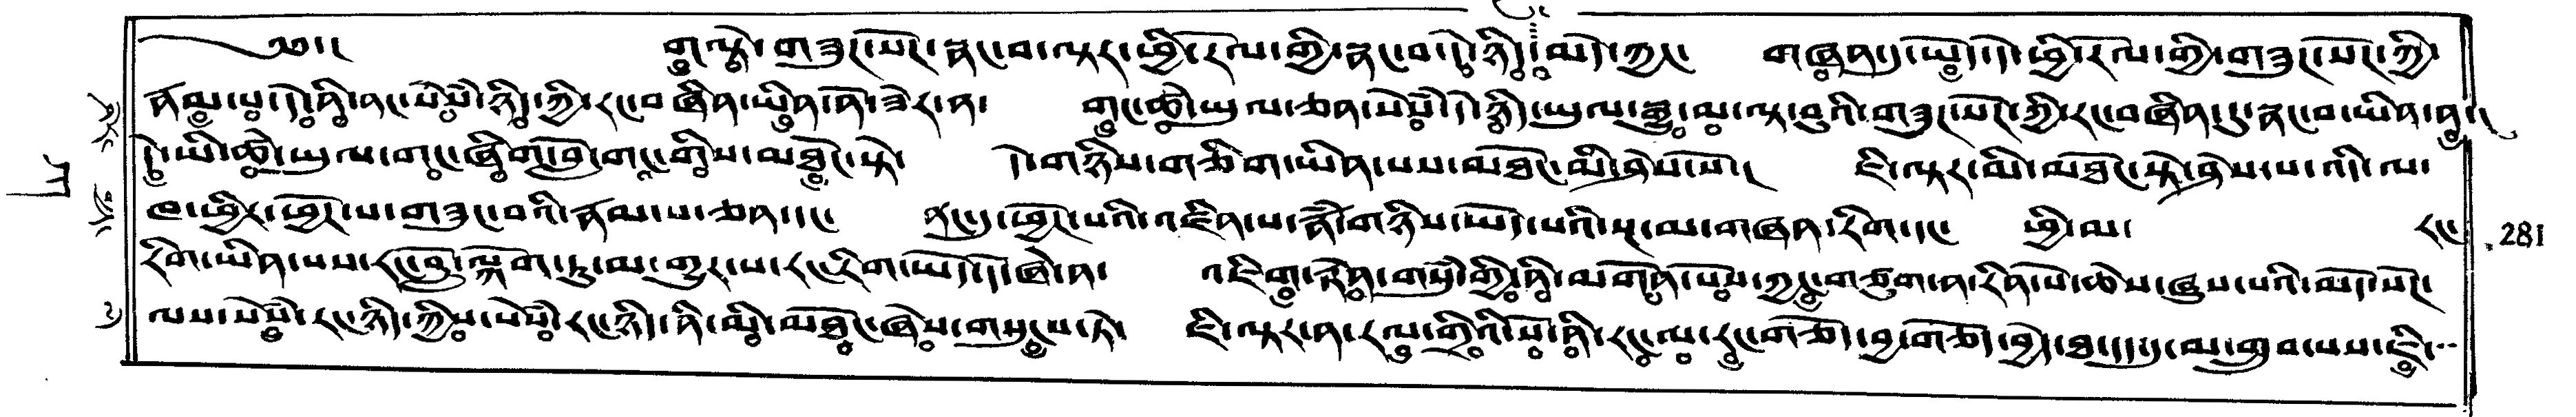གལ་ཏེ་གཟུགས་སོགས་སྣང་བ་ལྟར་ཕྱིར་རོལ་གྱི་སྣང་བ་དེ་ཉིད་དུ་མེད་ཀྱང་། གཞན་དུ་ཡོད་དེ་ཕྱི་རོལ་གྱི་གཟུགས་སོགས་ཀྱི་
རྣམ་པ་དེ་ནི་ནང་སེམས་ཉིད་ཀྱི་རང་བཞིན་ཡིན་ནོ་ཟེར་ན། གང་ཚེ་ཡུལ་ཅན་སེམས་དེ་ཉིད་ཡུལ་སྒྱུ་མ་ལྟ་བུའི་གཟུགས་སོགས་ཀྱི་རང་བཞིན་དུ་སྣང་བ་ཡིན་ན། 
དེ་ཡི་ཚེ་ཡུལ་གང་ཞིག་བློ་གང་གིས་མཐོང་སྟེ། དེ་གཉིས་གཅིག་ཡིན་པས་མཐོང་མི་ཤེས་སོ། ཇི་ལྟར་མི་མཐོང་སྟེ་ཤེས་པ་འདི་ལ་
ཁ་ཕྱིར་ཕྱོགས་པ་གཟུང་བའི་རྣམ་པ་ཅན་དང་། ནང་དུ་ཕྱོགས་པའི་འཛིན་པའི་རྣམ་པ་གཉིས་ཡོད་པའི་སྔ་མ་གཞན་རིག་དང་ ཕྱི་མ་ རང་
རིག་ཡིན་པས་རང་བློ་ལྐོག་ཏུ་མ་གྱུར་པ་རང་རིག་ཡོད་དོ་ཞེ་ན། འཇིག་རྟེན་གསུམ་གྱི་ནི་མགོན་པོས་ཀྱང་གཙུག་ན་རིན་པོ་ཆེས་ཞུས་པའི་མདོ་སོགས་
ལས་སེམས་རང་ཉིད་ཀྱིས་སེམས་རང་ཉིད་ནི་མི་མཐོང་ཞེས་གསུངས་ཏེ། ཇི་ལྟར་ན་རལ་གྲིའི་སོ་ནི་རང་ལ་རང་གཅོད་བྱ་གཅོད་བྱེད་ཐ་དད་དུ་མ་གྲུབ་པས་ཇི་